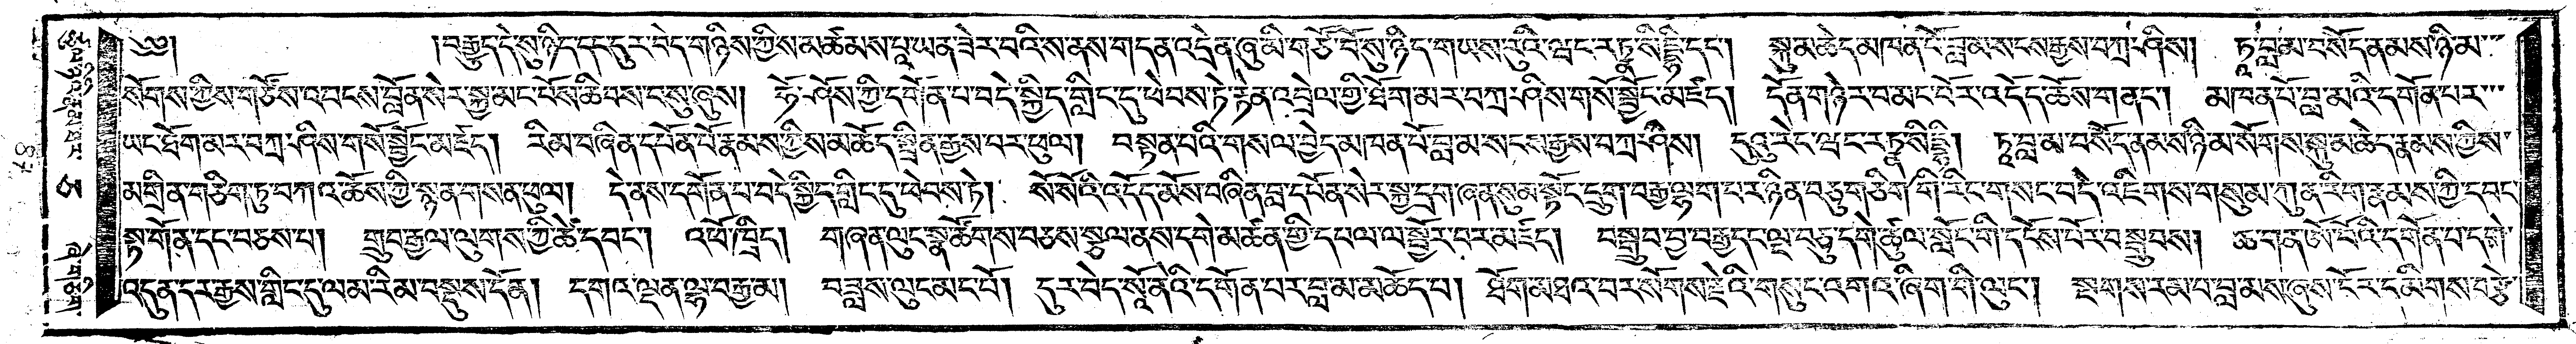༄༅། །བརྒྱུད་དེ་སུ་ཉིད་དང་དུར་བདེ་གཉིས་ཀྱིས་མཚམས་པཱ་ཡན་ཟེར་བའི་ས་ནས་གདན་འདྲེན་ཞུ་མི་གཙོ་བོ་སུ་ཉིད་གཡས་རུའི་ཝང་རཏྣ་སིདྡྷི་དང་། སྐུ་མཆེད་མཁན་པོ་བླ་མ་སངས་རྒྱས་བཀྲ་ཤིས། ཏཱ་བླ་མ་བསོད་ནམས་ཉི་མ་
སོགས་ཀྱིས་གཙོས་འབངས་བློན་སེར་སྐྱ་མང་བོས་ཆིབས་བསུ་ཞུས། ཧོ་ཤོས་ཀྱི་དགོན་པ་བདེ་སྐྱིད་གླིང་དུ་ཕེབས་ཏེ་རྟེན་འབྲེལ་གྱི་ཐོག་མར་བཀྲ་ཤིས་གསོ་སྦྱོང་མཛད། དོན་གཉེར་པ་མང་བོར་འདོད་ཆོས་གནང་། མཁན་པོ་བླ་མའི་དགོན་པར་
ཡང་ཐོག་མར་བཀྲ་ཤིས་གསོ་སྦྱོང་མཛད། རིམ་བཞིན་དཔོན་པོ་རྣམས་ཀྱིས་མཆོད་སྤྲིན་རྒྱས་པར་ཕུལ། བསྟན་པའི་གསལ་བྱེད་མཁན་པོ་བླ་མ་སངས་རྒྱས་བཀྲ་ཤིས། དུའུ་རེང་ཝང་རཏྣ་སིདྡྷི། ཏཱ་བླ་མ་བསོད་ནམས་ཉི་མ་སོགས་སྐུ་མཆེད་རྣམས་ཀྱིས་
མགྲིན་གཅིག་ཏུ་བཀའ་ཆོས་ཀྱི་སྙན་གསན་ཕུལ། དེ་ནས་དགོན་པ་བདེ་སྐྱིད་གླིང་དུ་ཕེབས་ཏེ། སོ་སོའི་འདོད་མོས་བཞིན་བླ་དཔོན་སེར་སྐྱ་དྲག་ཞན་སུམ་སྟོང་དྲུག་བརྒྱ་ལྷག་པར་ཉིན་བཅུ་གཅིག་གི་རིང་གསང་བདེ་འཇིགས་གསུམ་ཀུན་རིག་རྣམས་ཀྱི་དབང་
སྟ་གོན་དང་བཅས་པ། གྲུབ་རྒྱལ་ལུགས་ཀྱི་ཚེ་དབང་། འཕོ་ཁྲིད། གཞན་ལུང་སྣ་ཚོགས་བཅས་སྩལ་ནས་དགེ་མཚན་གྱི་དཔལ་ལ་སྦྱོར་བར་མཛད། བསྒྲུབ་བྱ་བརྒྱ་དང་ལྔ་བཅུ་དགེ་ཚུལ་སློང་གི་དངོས་པོར་བསྒྲུབས། ཆ་གན་ཨོ་བོའི་དགོན་པ་དགེ་
འདུན་དར་རྒྱས་གླིང་དུ་ལམ་རིམ་བསྡུས་དོན། དགའ་ལྡན་ལྷ་བ་རྒྱ་མ། བཟླས་ལུང་མང་བོ། དུར་བདེ་སO་ནེའི་དགོན་བར་བླ་མ་མཆོད་པ། ཐོག་མཐའ་བར་སོགས་རྗེའི་གསུང་འགའ་ཞིག་གི་ལུང་། སྔགས་རམ་བ་བླ་མས་ཞུས་ངོར་དམིགས་བརྩེ་